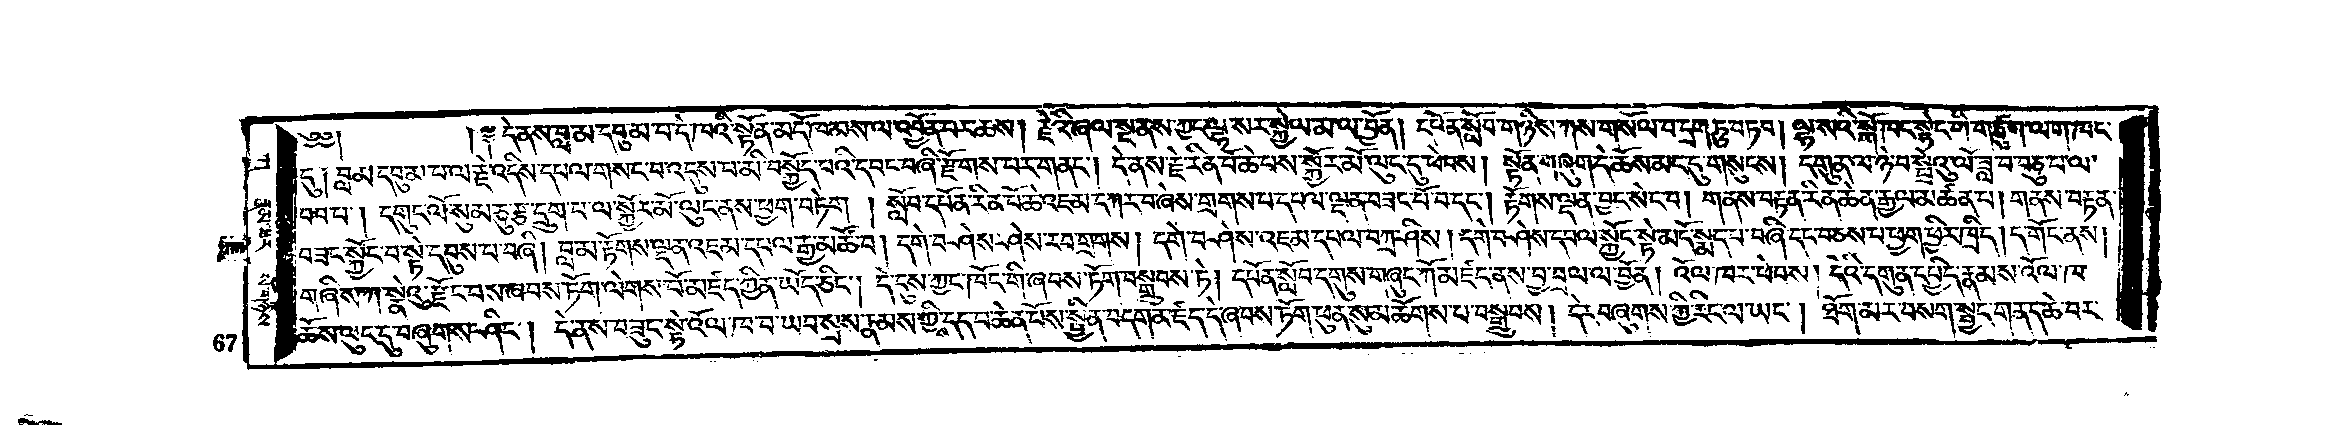༄༅། ། ༈ དེ་ནས་བླ་མ་དབུ་མ་པ་དེ་ཁའི་སྟོན་མདོ་ཁམས་ལ་འབྱོན་པར་ཆས། རྗེའི་ཞལ་སྔ་ནས་ཀྱང་ལྷ་སར་སྐྱེ་ལ་མ་ལ་བྱོན། དཔོན་སློབ་གཉིས་ཀས་གསོལ་བ་དྲག་ཏུ་བཏབ། ལྷ་སའི་སྒོ་ཁང་སྟེང་གི་གཙུག་ལག་ཁང་
དུ། བླ་མ་དབུ་མ་པ་ལ་རྗེ་འདིས་དཔལ་གསང་བ་འདུས་པ་མི་བསྐྱོད་པའི་དབང་བཞི་རྫོགས་པར་གནང་། དེ་ནས་རྗེ་རིན་པོ་ཆེ་པས་སྐྱོར་མོ་ལུང་དུ་ཕེབས། སྟོན་གཞུག་དེ་ཆོས་མང་དུ་གསུངས། དགུན་ལ་ཉེ་བ་སྤྲེའུ་ལོ་ཟླ་བ་བཅུ་པ་ལ་
བབ་པ། དགུང་ལོ་སུམ་ཅུ་རྩ་དྲུག་པ་ལ་སྐྱོར་མོ་ལུང་ནས་ཕྱག་བཏེག །སློབ་དཔོན་རིན་པོ་ཆེ་འཇམ་དཀར་བ་ཞེས་གྲགས་པ་དཔལ་ལྡན་བཟང་པོ་བ་དང་། རྟོགས་ལྡན་བྱང་སེང་པ། གནས་བརྟན་རིན་ཆེན་རྒྱལ་མཚན་པ། གནས་བརྟན་
བཟང་སྐྱོང་བ་སྟེ་དབུས་པ་བཞི། བླ་མ་རྟོགས་ལྡན་འཇམ་དཔལ་རྒྱ་མཚོ་བ། དགེ་བཤེས་ཤེས་རབ་གྲགས། དགེ་བཤེས་འཇམ་དཔལ་བཀྲ་ཤིས། དགེ་བཤེས་དཔལ་སྐྱོང་སྟེ་མདོ་སྨད་པ་བཞི་དང་བཅས་པ་ཕྱག་ཕྱིར་ཁྲིད། ད་གོང་ནས།
གཞིས་ཀ་སྣེའུ་རྫོང་བས་ཞབས་ཏོག་ལེགས་པོ་མཛད་ཀྱིན་ཡོད་ཅིང་། དེ་དུས་ཀྱང་ཁོང་གི་ཞབས་ཏོག་བསྒྲུབས་ཏེ། དཔོན་སློབ་དགུས་གཞུང་ཀོ་མཛད་ནས་བྱ་བྲལ་ལ་བྱོན། འོལ་ཁར་ཕེབས། དེའི་དགུན་དཔྱིད་རྣམས་འོལ་ཁ་
ཆོས་ལུང་དུ་བཞུགས་ཤིང་། དེ་ནས་བཟུང་སྟེ་འོལ་ཁ་བ་ཡབ་སྲས་རྣམས་ཀྱིས་དད་པ་ཆེན་པོས་སྦྱིན་བདག་མཛད་དེ་ཞབས་ཏོག་ཕུན་སུམ་ཚོགས་པ་བསྒྲུབས། དེར་བཞུགས་ཀྱི་རིང་ལ་ཡང་། ཐོག་མར་བསག་སྦྱང་གནད་ཆེ་བར་